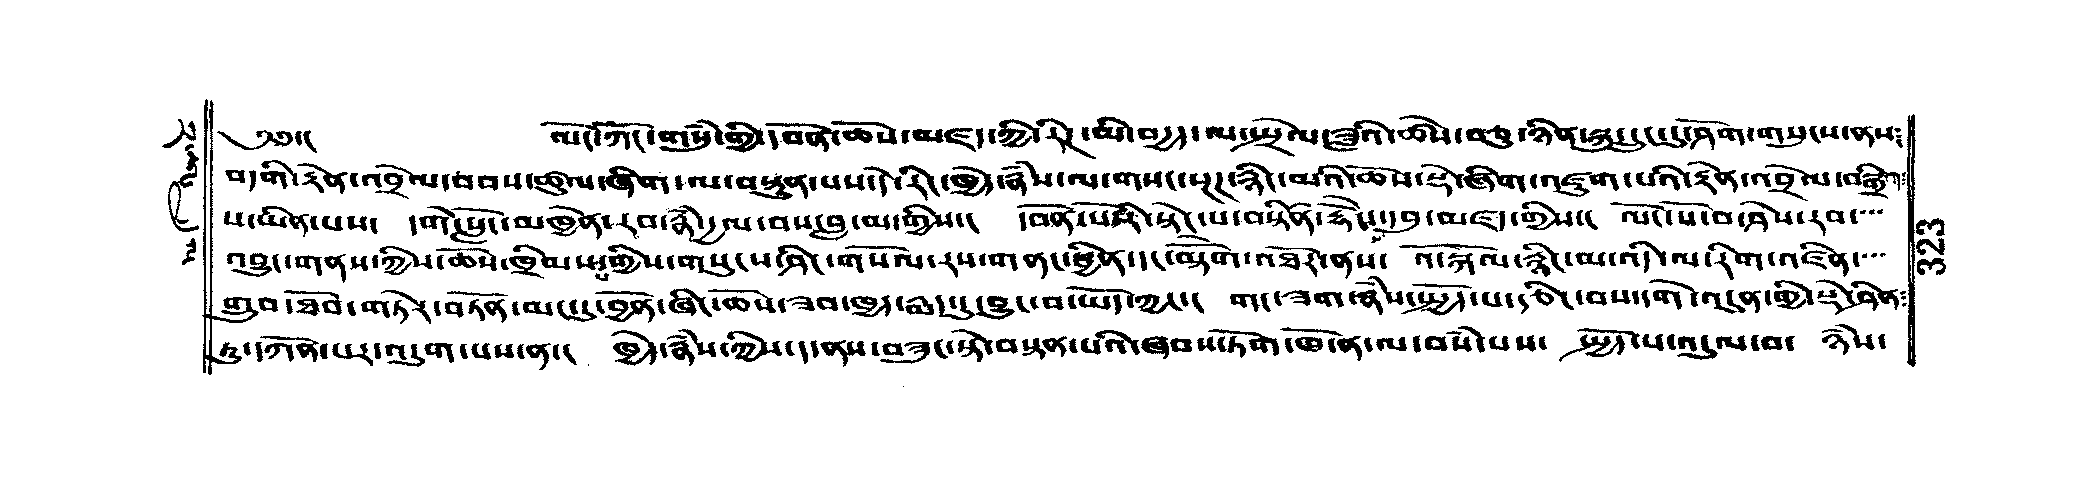ལོང་ཀོང་གསུམ་གྱི་དབོན་ཆོས་མཛད་ཀྱི་རིགས་མི་བརྒྱད་ལ་སྤྲེལ་ཟླའི་ཚེས་བཅུའི་ཉིན་སྐུ་དྲུང་དུ་ཤོག་གསུངས་ནས། 
བདག་གི་རྟེན་འབྲེལ་བབས་ཚུལ་ཞིག་ལ་བསྟུན་པས་དེ་རིང་ཁྱེད་རྣམས་ལ་གསང་སྔགས་རྙིང་མའི་ཆོས་སྡེ་ཞིག་འཛུགས་པའི་རྟེན་འབྲེལ་བསྒྲིག་
པ་ཡིན་པས།དགེ་སློང་མཁྱེན་རབ་རྣམ་རྒྱལ་བས་བླ་མ་གྱིས། དབོན་པོ་རི་སྟེང་བ་བསྟན་འཛིན་རྡོ་རྗེས་དབུ་མཛད་གྱིས། ལོང་པོ་བ་ཤེས་རབ་
འབྱུང་གནས་ཀྱིས་ཆོས་ཁྲིམས་གྱིས་གསུངས་ཤིང་གསོལ་རས་གནང་སྦྱིན་དང་མེ་ཏོག་འཐོར་ནས། འོ་སྐོལ་རྙིང་མ་འདི་ལ་རིག་འཛིན་
གྲུབ་ཐོབ་གཏེར་སྟོན་མང་དུ་བྱོན་ཞིང་ཆོས་ཟབ་ཁྱད་རྨད་དུ་བྱུང་བ་ཡོད་ཀྱང་། གང་ཟག་རྣམས་སྤྱོད་པ་རྩིང་བས་དགེ་འདུན་གྱི་སྡེ་ཤིན་
ཏུ་དཀོན་པར་འདུག་པས་ན། ཁྱེད་རྣམས་ཀྱིས་ད་ནས་བཟུང་སྟེ་བསྟན་པའི་ཞབས་ཏོག་ཁོ་ན་ལ་བསམ་པས། སྤྱོད་པ་འདུལ་བ། ཉམས་